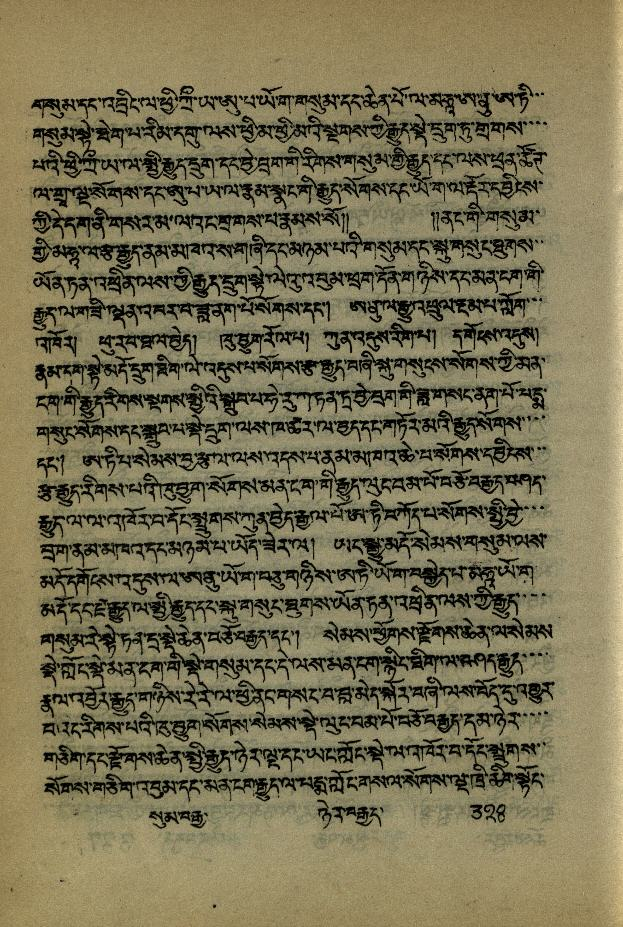གསུམ་དང་འབྲིང་ལ་ཕྱི་ཀྲ་ཡ་ཨུ་པ་ཡོ་ག་གསུམ་དང་ཆེན་པོ་ལ་མཧཱ་ཨ་ནུ་ཨ་ཏི་
གསུམ་སྟེ་ཐེག་པ་རིམ་དགུ་ལས་ཕྱི་མ་ཕྱི་མའི་སྔགས་ཀྱི་རྒྱུད་སྡེ་དྲུག་ཏུ་གྲགས་
པའི་ཕྱི་ཀྲྀ་ཡ་ལ་སྤྱི་རྒྱུད་དྲུག་དང་བྱེ་བྲག་གི་རིགས་གསུམ་གྱི་རྒྱུད་དང་ལས་ཕྲན་ཚོཊ་
ལ་གྲྭ་ལྔ་སོགས་དང་ཨུ་པ་ཡ་ལ་རྣམ་སྣང་གི་རྒྱུད་སོགས་དང་ཡོ་ག་ལ་རྡོར་དབྱིངས་
ཀྱི་དེ་དག་ནི་གསར་མ་ལའང་གྲགས་པ་རྣམས་སོ།། །།ནང་གི་གསུམ་
གྱི་མཧཱ་ལ་རྩ་རྒྱུད་ནམ་མཁའ་ས་གཞི་དང་མཉམ་པའི་གསུམ་དང་སྐུ་གསུང་ཐུགས་
ཡོན་ཏན་འཕྲིན་ལས་ཀྱི་རྒྱུད་དྲུག་སྟེ་ལེའུ་འབུམ་ཕྲག་དོན་གཉིས་དང་མན་ངག་གི་
རྒྱུད་ལ་གཟི་ལྡན་འབར་བ་ཟླ་ནག་པོ་སོགས་དང་། ཨ་ནུ་ལ་རྒྱུ་འཕྲུལ་རྔམ་པ་ཀློག་
འཁོར། ཕུ་རབ་ཐལ་བྱེད། ཁུ་བྱུག་རོལ་པ། ཀུན་འདུས་རིག་པ། དགོངས་འདུས།
རྣམ་དག་སྟེ་མདོ་དྲུག་ཐིག་ལེ་འདུས་པ་སོགས་རྩ་རྒྱུད་བཞི་སྐུ་གསུངས་སོགས་ཀྱི་མན་
ངག་གི་རྒྱུད་རིགས་སྔགས་སྤྱིའི་སྒྲུབ་པ་ཧེ་རུ་ཀ་ཏན་ཏྲ་བྱེ་བྲག་གི་ཟླ་གསང་ནག་པོ་པདམ་
གསུང་སོགས་དང་སྒྲུབ་པ་སྡེ་དྲུག་ལས་ཁ་ཚར་ལ་བྱད་དང་གཏོར་མའི་རྒྱུད་སོགས་
དང་། ཨ་ཏི་པ་སེམས་བྱ་རྩལ་ལས་འདས་པ་ནམ་མཁའ་ཆེ་བ་སོགས་དབྱིངས་
རྩ་རྒྱུད་རིགས་པའི་ཁུ་བྱུག་སོགས་མན་ངག་གི་རྒྱུད་ལུང་བམ་པོ་བཅོ་བརྒྱད་བཤད་
རྒྱུད་ལ་ལ་འཁོར་བ་དོང་སྤྲུགས་ཀུན་བྱེད་རྒྱལ་པོ་ཨ་ཏི་བཀོད་པ་སོགས་སྤྱི་བྱེ་
བྲག་ནམ་མཁའ་དང་མཉམ་པ་ཡོད་ཟེར་ལ། ཡང་སྒྱུ་མདོ་སེམས་གསུམ་ལས་
མདོ་དགོངས་འདུས་ལ་ཨ་ནུ་ཡོ་ག་བཅུ་གཉིས་ཨ་ཏི་ཡོ་ག་བསྐྱེད་པ་མཧཱ་ཡོ་ག་
མདོ་དང་ཛ་རྒྱུད་ལ་སྤྱི་རྒྱུ་དང་སྐུ་གསུང་ཐུགས་ཡོན་ཏན་འཕྲིན་ལས་ཀྱི་རྒྱུད་
གསུམ་རེ་སྟེ་ཏན་དྲ་སྡེ་ཆེན་བཅོ་བརྒྱད་དང་། སེམས་ཕྱོགས་རྫོགས་ཆེན་ལ་སེམས་
སྡེ་ཀློང་སྡེ་མན་ངག་གི་སྡེ་གསུམ་དང་དེ་ལས་མན་ངག་སྙིང་ཐིག་ལ་བཤད་རྒྱུད་
རྣལ་འབྱོར་རྒྱུད་གཉིས་རེ་རེ་ལ་ཕྱི་ནང་གསང་བ་བླ་མེད་སྐོར་བཞི་ལས་བོད་དུ་འགྱུར་
བའང་རིགས་པའི་ཁུ་བྱུག་སོགས་སེམས་སྡེ་ལུང་བམ་པོ་བཅོ་བརྒྱད་དམ་ཉེར་
གཅིག་དང་རྫོགས་ཆེན་སྤྱི་རྒྱུད་ཉེར་ལྔ་དང་ཡང་ཀློང་སྡེ་ལ་འཁོར་བ་དོང་སྤྲུགས་
སོགས་གཅིག་འབུམ་དང་མན་ངག་རྒྱུད་ལ་པདམ་ཀློང་གསལ་སོགས་ལྔ་ཁྲི་ཆིག་སྟོང་